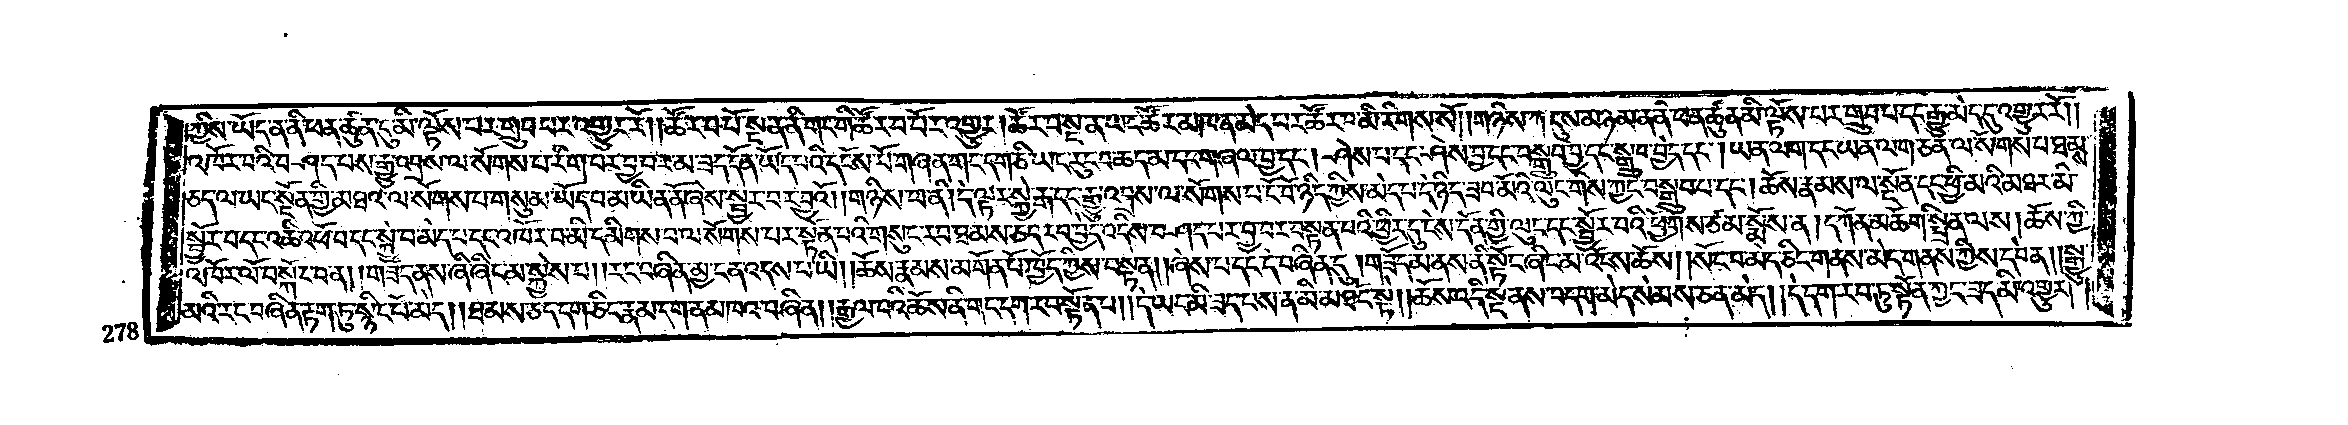ཀྱིས་ཡོད་ན་ནི་ཕན་ཚུན་དུ་མི་ལྟོས་པར་གྲུབ་པར་འགྱུར་རོ། །ཚོར་བ་པོ་སྔ་ན་ནི་གང་གི་ཚོར་བ་པོར་འགྱུར། ཚོར་བ་སྔ་ན་ཡང་ཚོར་མཁན་མེད་པར་ཚོར་བ་མི་རིགས་སོ། །གཉིས་ཀ་དུས་མཉམ་ན་ནི་ཕན་ཚུན་མི་ལྟོས་པར་གྲུབ་པ་དང་རྒྱུ་མེད་དུ་འགྱུར་རོ།།
འཁོར་པའི་བཤད་པས་རྒྱུ་འབྲས་ལ་སོགས་པ་རིག་པར་བྱ་བར་མ་ཟད་དོན་ཡོད་པའི་དངོས་པོ་གཞན་གང་དག་ཅི་ཡང་རུང་བ་ཆད་མ་དང་གཞལ་བྱ་དང་། ཤེས་པ་དང་ཤེས་བྱ་དང་བསྒྲུབ་བྱ་དང་སྒྲུབ་བྱེད་དང་། ཡན་ལག་དང་ཡན་ལག་ཅན་ལ་སོགས་པ་ཐམས་
ཅད་ལ་ཡང་སྔོན་གྱི་མཐའ་ལ་སོགས་པ་གསུམ་ཡོད་པ་མ་ཡིན་ནོ་ཞེས་སྦྱར་བར་བྱའོ། །གཉིས་པ་ནི། དེ་ལྟར་སྐྱེ་རྒ་དང་རྒྱུ་འབྲས་ལ་སོགས་པ་ངོ་བོ་ཉིད་ཀྱིས་མེད་པ་དེ་ཉིད་ཟབ་མོའི་ལུང་གིས་ཀྱང་བསྒྲུབ་པ་དང་། ཆོས་རྣམས་ལ་སྔོན་དང་ཕྱི་མའི་མཐའ་མི་
སྦྱོར་པ་དང་འཆི་འཕོ་བ་དང་སྐྱེ་བ་མེད་པ་དང་འཁོར་བ་མི་དམིགས་པ་ལ་སོགས་པར་སྟོན་པའི་གསུང་རབ་ཐམས་ཅད་རབ་བྱེད་འདིས་བཤད་པར་བྱ་བར་བསྟན་པའི་ཕྱིར་དུ་ངེས་དོན་གྱི་ལུང་དང་སྦྱོར་བའི་ཕྱོགས་ཅམ་སྨོས་ན། དཀོན་མཆོག་སྤྲིན་ལས། ཆོས་ཀྱི་
འཁོར་ལོ་བསྐོར་བ་ན། །གཟོད་ནས་ཞི་ཞིང་མ་སྐྱེས་པ། །རང་བཞིན་མྱ་ངན་འདས་པ་ཡི། །ཆོས་རྣམས་མགོན་པོ་ཁྱོད་ཀྱིས་བསྟན། །ཞེས་པ་དང་དེ་བཞིན་དུ། གཟོད་མ་ནས་ནི་སྟོང་ཞིང་མ་འོངས་ཆོས། །སོང་བ་མེད་ཅིང་གནས་མེད་གནས་ཀྱིས་དབེན། །སྒྱུ་
མའི་རང་བཞིན་རྟག་ཏུ་སྙིང་པོ་མེད། །ཐམས་ཅད་དག་ཅིང་རྣམ་དག་ནམཁའ་བཞིན། །རྒྱལ་བའི་ཆོས་ནི་གང་དག་རབ་སྟོན་པ། །དེ་ཡང་མི་ཟད་པས་ན་མི་མཐོང་སྟེ། །ཆོས་འདི་སྔ་ནས་བདག་མེད་སེམས་ཅན་མེད། །དེ་དག་རབ་ཏུ་སྟོན་ཀྱང་ཟད་མི་འགྱུར། །